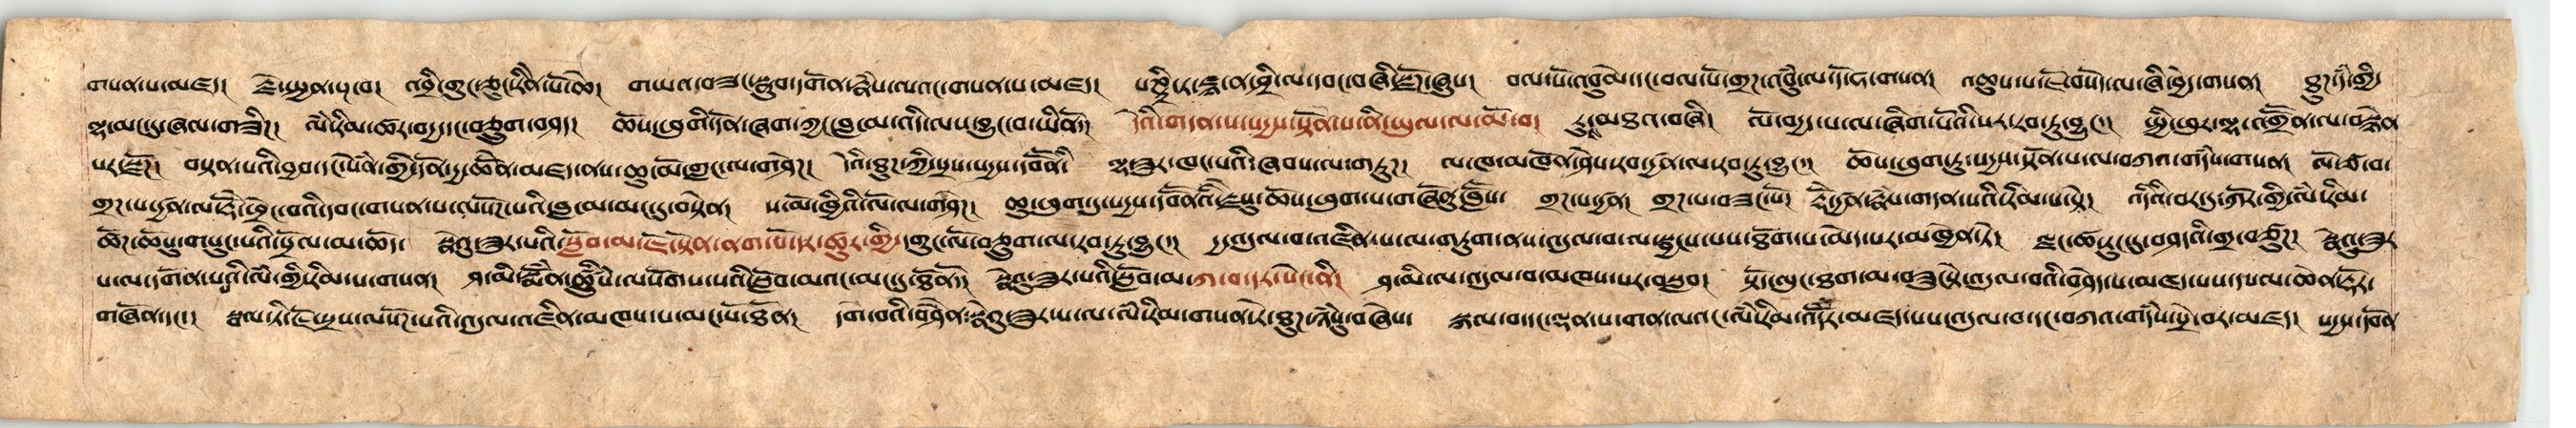གསན་པ་མཛད། རྗེ་སྤྱན་སྔ་བ། འབྲི་གུང་ཅུང་རིནེ་པོ་ཆེ། གཡའ་བཟང་སྣུབ་དགོན་རྣཾས་ལའང་གསན་པ་མཛད། པཎྜི་ཏ་ཛྙ་ན་ཤྲི་ལ་དབང་བཞི་སྫོཌ་ཞུས། བལ་པོ་འབུམ་དང་བལ་པོ་གྲཌ་འབུཾ་ལ་དོ་ཧ་གསན། འཆུས་པ་ཇོ་བསོད་ལ་ཞི་བྱེད་གསན། ཐུཌ་དཾ་་གྱི
ལྷ་མང་དུ་ཞལ་གཟིཌ། ལཾ་རིམ་ཚར་བདྱ་དང་བཅྲུག་བཤད། ཆོས་ཕུགི་དོན་ཞག་ཀྱང་བླ་མ་འདི་ལས་བྱུང་བ་ཡིནོ། དེའི་གདན་ས་སདྱས་སྟོན་པ་ནི་ཡུལ་ལ་མོ་བ། རུས་མཐའ་བཞི། ལོ་བདྱད་པ་ལ་ཞིག་པོའི་སར་རབ་ཏུ་བྱུང་། སྤྱི་ཕུར་ལྷ་འགྲཽན་ལ་བ
པར་སྫོཌ། བསྟན་པའི་བྱ་བ་དང་སེཾན་གྱི་དོན་དྱ་ཆེནོ་མཛད་ནས་ཆུ་མོ་གླང་ལ་གཤེཌ། དེའི་ཐུཌ་ཀྱི་སྲས་སདྱས་དབཽནི། ལྷ་ཟུར་ཁང་པའི་ཞབས་ལ་གཏུཌ། ལ་ཁ་མཁོན་ཤེས་རབ་དྱཚན་ལ་རབ་ཏུ་བྱུང་། ཆོས་ཕུག་ཏུ་སདྱས་སྟོན་པ་ལ་བཀའ་གདཾས་གསན། ལོ་ཙ་བ་
གྲཌ་པ་དྱཚན་ལ་རྡོེཕྲེང་བའི་དབང་གསན་པ་ལསོཌ་པ་བླ་མ་མང་དུ་བསྟེན། ས་ཕོ་ཁྱིའི་ལོ་ལ་གཤེཌ། ཆོས་ཕུག་དུ་སདྱས་དབོནོའི་རྗེསུ་ཆོས་ཕུག་པ་གཞོནུ་བླཽས། གྲཌ་པ་དྱཚན། གྲཌ་པ་བཟང་པོ། རྡོེ་དྱཚན་རྣཾས་གདན་སའི་རིམ་པ་སྟེ། འདིའི་བར་དུ་ཀོར་གྱི་ལཾ་རིམ་
ཚོཌ་ཆོསུ་གསུང་པའི་སྲོལ་མ་ཆོད། སྣེའུ་ཟུར་པའི་སློབ་མ་ཇོ་སྟོན་ནག་པོ་དར་ཚུར་གྱི་དགུང་ལོ་བཅྲུག་ལ་རབ་ཏུ་བྱུང་། དྱ་འདུལ་བ་འཛིན་པ་ལ་གཏུག་ནས་འདུལ་བ་ལ་སྦྱངས་པས་ཐོག་པ་མེད་པར་མཁྱེན་ཏེ། ལྗང་ཚ་རུང་དུ་བཤདའི་གྲ་བཙུཌ། སྣེའུ་
པ་ལ་དགོན་པ་པའི་ལཾ་གྱི་རིམ་པ་གསན། ཤ་མི་སྨོཾན་ཚྲིུཾས་ལསོགས་པའི་སློབ་མའང་མང་དུ་ཐོནོ་། སྣེའུ་ཟུར་པའི་སློབ་མ་ཀ་བ་དར་སེང་ནི། ཤ་མི་ལ་འདུལ་བ་མཁས་པར་བསླབ། སྟོད་ལུང་ཐག་མ་བཟུང་སྟེ་འདུལ་བའི་བཤེད་པ་མཛད་པས་དཔལ་ཆེན་རྡོར་
གཞོན་དང་། སྦལ་ཏི་ཇོ་སྲས་ལསོཌ་པའི་འདུལ་འཛིན་མཁས་པ་མང་པོ་ཐོན། དགེ་བའི་བཤཻན་སྣེའུ་ཟུར་པ་ལ་ལཾ་རིམ་གསན་ཏེ་ཐུཌ་ཉཾསུ་བཞེས། སྐལ་བ་དང་ལྡན་པ་གན་ལའང་ལཾ་རིམ་འདོཾར་མཛད་པས་འདུལ་བ་དང་བཀའ་གདཾས་སྲེ་བར་མཛད། སདྱས་དབོན